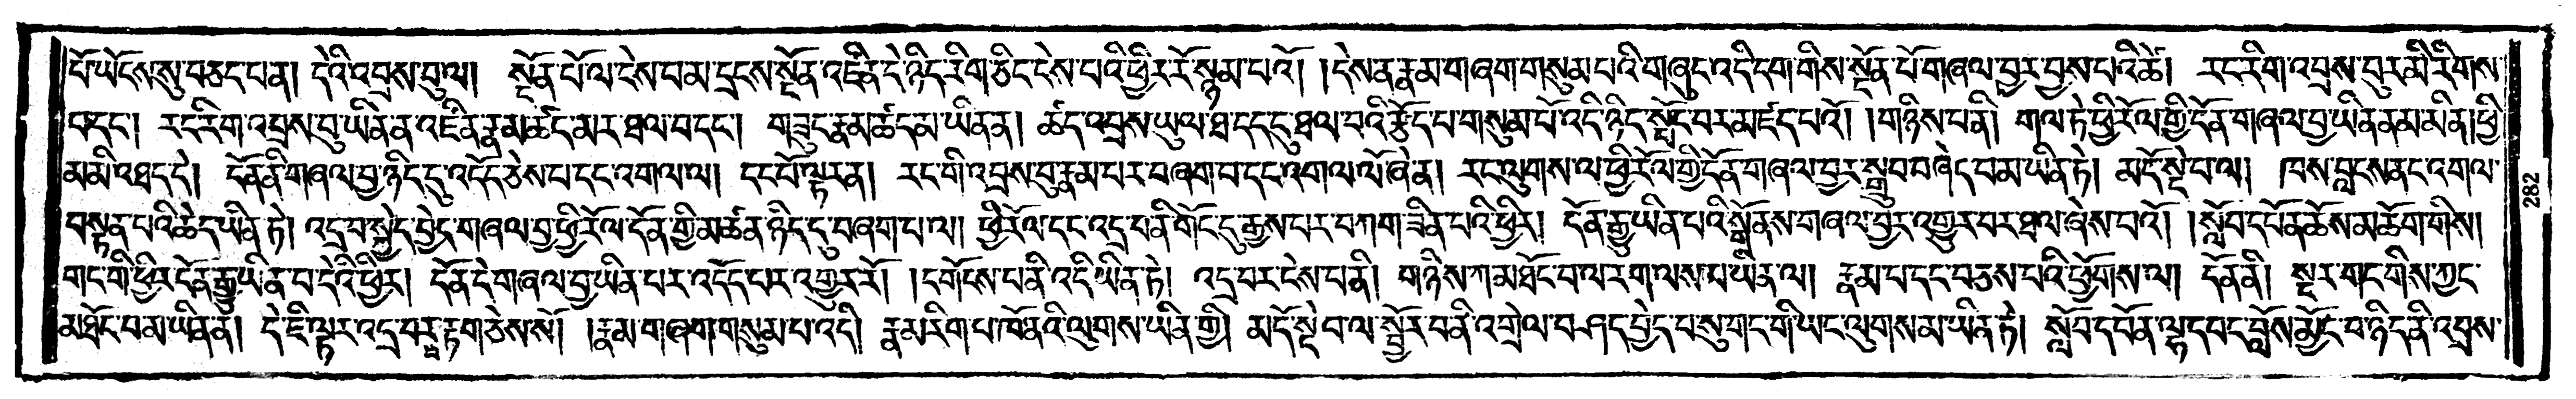པོ་ཡོངས་སུ་བཅད་པ་ན། དེའི་འབྲས་བུ་ལ། སྔོན་པོ་ལ་ངེས་པ་མ་དྲངས་སྔོན་འཛིན་དེ་ཉིད་རིག་ཅིང་ངེས་པའི་ཕྱིར་རོ་སྙམ་པའོ། །དེས་ན་རྣམ་གཞག་གསུམ་པའི་གཞུང་འདི་དག་གིས་སྔོན་པོ་གཞལ་བྱར་བྱས་པའི་ཚེ། རང་རིག་འབྲས་བུར་མི་རིགས་
པ་དང་། རང་རིག་འབྲས་བུ་ཡིན་ན་འཛིན་རྣམ་ཚད་མར་ཐལ་བ་དང་། གཟུང་རྣམ་ཚད་མ་ཡིན་ན། ཚད་འབྲས་ཡུལ་ཐ་དད་དུ་ཐལ་བའི་རྩོད་པ་གསུམ་པོ་འདི་ཉིད་སྤོང་བར་མཛད་པའོ། །གཉིས་པ་ནི། གལ་ཏེ་ཕྱི་རོལ་གྱི་དོན་གཞལ་བྱ་ཡིན་ནམ་མིན། ཕྱི་
མ་མི་འཐད་དེ། དོན་ནི་གཞལ་བྱ་ཉིད་དུ་འདོད་ཅེས་པ་དང་འགལ་ལ། དང་པོ་ལྟར་ན། རང་གི་འབྲས་བུ་རྣམ་པར་བཞག་པ་དང་འགལ་ལོ་ཞེ་ན། རང་ལུགས་ལ་ཕྱི་རོལ་གྱི་དོན་གཞལ་བྱར་སྒྲུབ་བཞེད་པ་མ་ཡིན་ཏེ། མདོ་སྡེ་པ་ལ། ཁས་བླངས་ནང་འགལ་
བསྟན་པའི་ཆེད་ཡིན་ཏེ། འདྲ་བ་སྐྱེད་བྱེད་གཞལ་བྱ་ཕྱི་རོལ་དོན་གྱི་མཚན་ཉིད་དུ་བཞག་པ་ལ། ཕྱི་རོལ་དང་འདྲ་བ་ནི་གོང་དུ་རྒྱས་པར་བཀག་ཟིན་པའི་ཕྱིར། དོན་རྒྱུ་ཡིན་པའི་སྒོ་ནས་གཞལ་བྱར་འགྱུར་པར་ཐལ་ཞེས་པའོ། །སློབ་དཔོན་ཆོས་མཆོག་གིས།
གང་གི་ཕྱིར་དོན་རྒྱུ་ཡིན་པ་དེའི་ཕྱིར། དོན་དེ་གཞལ་བྱ་ཡིན་པར་འདོད་པར་འགྱུར་རོ། །དགོངས་པ་ནི་འདི་ཡིན་ཏེ། འདྲ་བར་ངེས་པ་ནི། གཉིས་ཀ་མཐོང་བ་ལ་རག་ལས་པ་ཡིན་ལ། རྣམ་པ་དང་བཅས་པའི་ཕྱོགས་ལ། དོན་ནི། སྔར་གང་གིས་ཀྱང་
མཐོང་བ་མ་ཡིན་ན། དེ་ཇི་ལྟར་འདྲ་བར་བརྟག་ཅེས་སོ། །རྣམ་གཞག་གསུམ་པ་འདི། རྣམ་རིག་པ་ཁོ་ནའི་ལུགས་ཡིན་གྱི། མདོ་སྡེ་པ་ལ་སྦྱོར་བ་ནི་འགྲེལ་བཤད་བྱེད་པ་སུ་གང་གི་ཡང་ལུགས་མ་ཡིན་ཏེ། སློབ་དཔོན་ལྷ་དབང་བློས་མྱོང་བ་ཉིད་ནི་འབྲས་